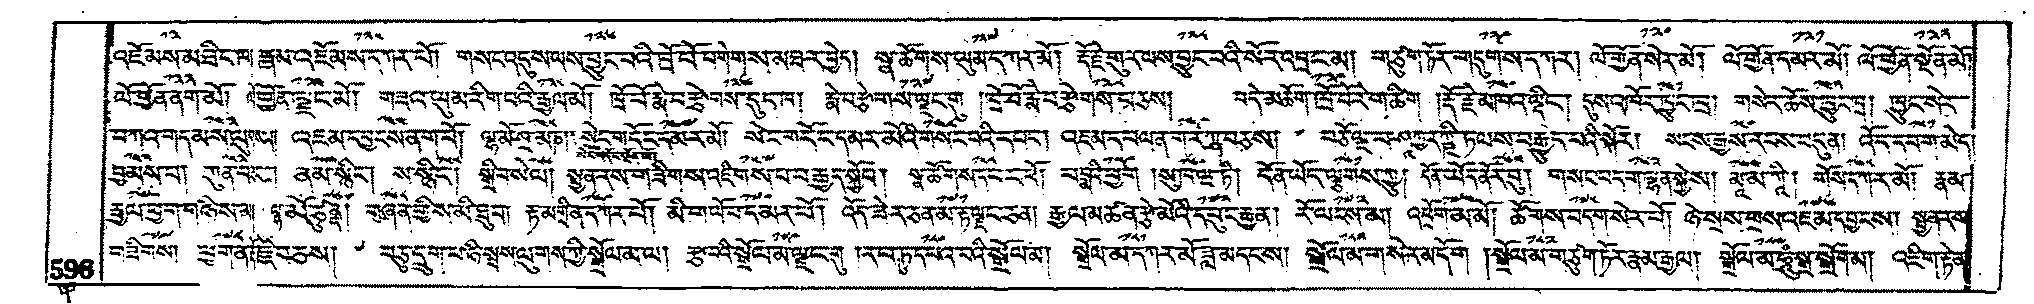འཇོམས་མཐིང་ཁ། རྣམ་འཇོམས་དཀར་པོ། གསང་འདུས་ལས་བྱུང་བའི་ཁྲོ་བོ་བགེགས་མཐར་བྱེད། སྣ་ཚོགས་ཡུལ་དཀར་མོ། རྡོ་རྗེ་གུར་ལས་བྱུང་བའི་སོར་འབྲང་མ། གཙུག་ཏོར་གདུགས་དཀར། ལོ་གྱོན་སེར་མོ། ལོ་གྱོན་དམར་མོ། ལོ་གྱོན་སྔོན་མོ།
ལོ་གྱོན་ནག་མོ། ལོ་གྱོན་ལྗང་མོ། གཟའ་ཡུམ་རིག་པའི་རྒྱལ་མོ། ཁྲོ་བོ་རྨེ་བརྩེགས་དུད་ཁ། རྨེ་བརྩེགས་ལྗང་གུ །ཁྲོ་བོ་རྨེ་བརྩེགས་བཅས། བདེ་མཆོག་ཁྲོ་བོ་རེག་ཚིག །རྡོ་རྗེ་མཁའ་ལྡིང་། དུས་འཁོར་ཁྱུང་ཁྲ། གསེར་ཆོས་ཁྱུང་ཁྲ། ཁྱུང་སེར་
བཀའ་གདམས་ལུགས། འཇམ་དབྱངས་ནག་པོ། ལྷ་མོ་ཤྲ་མ་ཎ། སེང་གདོང་སྔོན་མོ། སེང་གདོང་དམར་མོ། སེང་གདོང་དམར་མོའི་གསང་བའི་དབང་། འཇམ་དཔལ་ན་ག་ར་ཀྴ་བཅས། ༧་བཅོ་ལྔ་པ་ཤཱཀྱ་རཀྵི་ཏ་ལས་བརྒྱུད་པའི་སྐོར། སངས་རྒྱས་རབས་བདུན། འོད་དཔག་མེད་
བྱམས་པ། ཀུན་བཟང་། ནམ་སྙིང་། ས་སྙིང་། སྒྲིབ་སེལ། སྤྱན་རས་གཟིགས་འཇིགས་པ་བརྒྱད་སྐྱོབ། སྣ་ཚོགས་དབང་པོ། པདམའི་ཕྱག །སུ་ཁ་ཝ་ཏི། དོན་ཡོད་ལྕགས་ཀྱུ། དོན་ཡོད་ནོར་བུ། གསང་བདག་ལྷན་སྐྱེས། མཱ་མ་ཀཱི། གོས་དཀར་མོ། རྣམ་
རྒྱལ་ཕྱག་གཉིས་མ། ལྷ་མོ་ཙུནྡ། གཞན་གྱིས་མི་ཐུབ། རྟ་མགྲིན་དཀར་པོ། མི་གཡོ་བ་དམར་པོ། འོད་ཟེར་ཅན་མ་རྟ་ལྗང་ཅན། རྒྱལ་མཚན་རྩེ་མོའི་དཔུང་རྒྱན། རོ་ལངས་མ། འཕྲོག་མ་མོ། ཚོགས་བདག་སེར་པོ། ཉེ་སྲས་གྲས་འཇམ་དབྱངས། སྤྱན་རས་
གཟིགས། ཕྱག་ན་རྡོ་རྗེ་བཅས། ༧་བཅུ་དྲུག་པ་ཉི་སྤས་ལུགས་ཀྱི་སྒྲོལ་མ་ལ། རྩ་བའི་སྒྲོལ་མ་ལྗང་གུ །རབ་ཏུ་དཔའ་བའི་སྒྲོལ་མ། སྒྲོལ་མ་དཀར་མོ་ཟླ་མདངས། སྒྲོལ་མ་གསེར་མདོག །སྒྲོལ་མ་གཙུག་གཏོར་རྣམ་རྒྱལ། སྒྲོལ་མ་ཧཱུཾ་སྒྲ་སྒྲོག་མ། འཇིག་རྟེན་